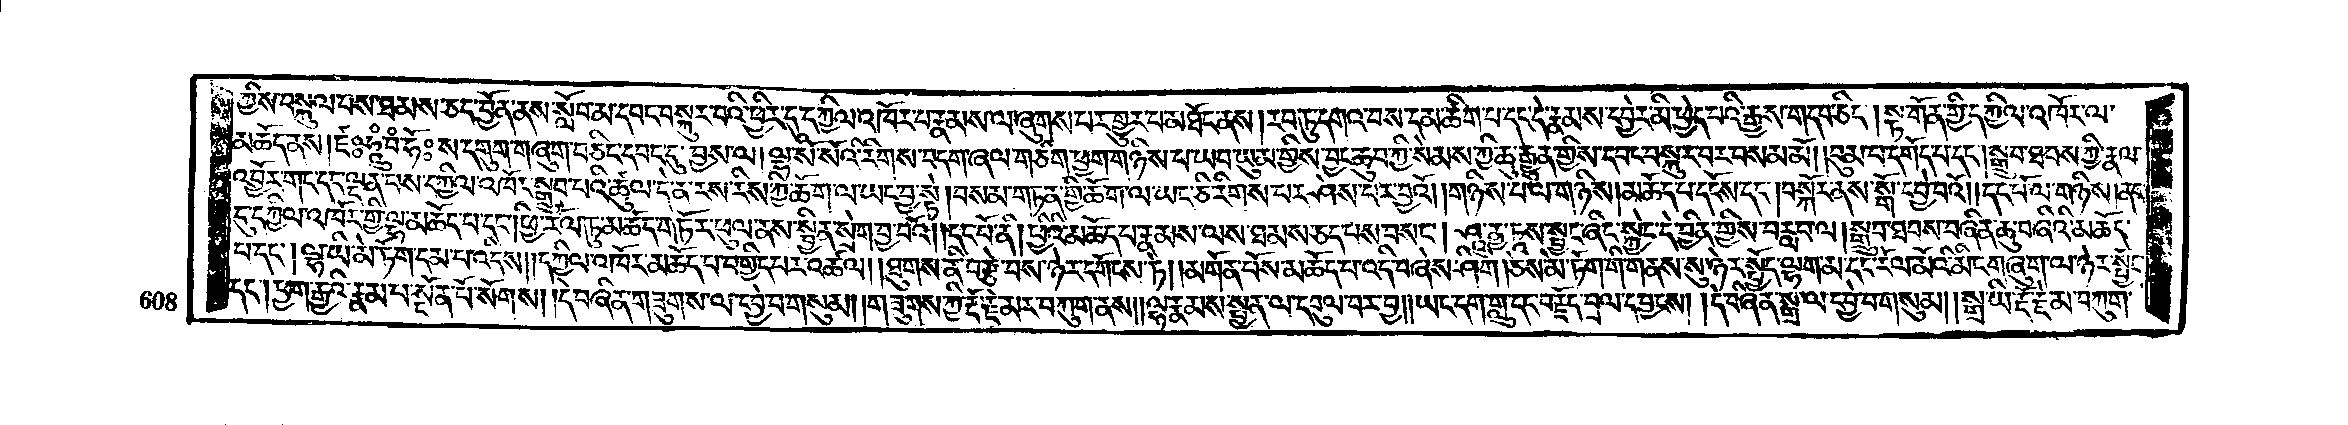ཀྱིས་བསྐུལ་བས་ཐམས་ཅད་བྱོན་ནས་སློབ་མ་དབང་བསྐུར་བའི་ཕྱིར་དུ་དཀྱིལ་འཁོར་པ་རྣམས་ལ་ཞུགས་པར་གྱུར་པ་མཐོང་ནས། རབ་ཏུ་དགའ་བས་དམ་ཚིག་པ་དང་དེ་རྣམས་དབྱེར་མི་ཕྱེད་པའི་རྒྱས་གདབ་ཅིང་། སྟ་གོན་གྱི་དཀྱིལ་འཁོར་ལ་
མཆོད་ནས། ཛཿ ཧཱུཾ་བཾ་ཧོཿ ས་དགུག་གཞུག་བ་ཅིང་དབང་དུ་བྱས་ལ། ལྷ་སོ་སོའི་རིགས་བདག་ཞལ་གཅིག་ཕྱག་གཉིས་པ་ཡབ་ཡུམ་གྱིས་བྱང་ཆུབ་ཀྱི་སེམས་ཀྱི་ཆུ་རྒྱུན་གྱིས་དབང་བསྐུར་བར་བསམ་མོ། །བུམ་པ་དགོད་པ་དང་། སྒྲུབ་ཐབས་ཀྱི་རྣལ་
འབྱོར་གང་དང་ལྡན་པས་དཀྱིལ་འཁོར་སྒྲུབ་པའི་ཚུལ་དེ་ན་རས་རིས་ཀྱི་ཆོ་ག་ལ་ཡང་བྱ་སྟེ། བསམ་གཏན་གྱི་ཆོ་ག་ལ་ཡང་ཅི་རིགས་པར་ཤེས་པར་བྱའོ། །གཉིས་པ་ལ་གཉིས། མཆོད་པ་དངོས་དང་། བསྐོར་ནས་སྒོ་དབྱེ་བའོ། །དང་པོ་ལ་གཉིས། ནང་
དུ་དཀྱིལ་འཁོར་གྱི་ལྷ་མཆོད་པ་དང་། ཕྱི་རོལ་ཏུ་མཆོད་གཏོར་ཕུལ་ནས་སྦྱིན་སྲེག་བྱ་བའོ། །དང་པོ་ནི། ཕྱིའི་མཆོད་པ་རྣམས་ལས་ཐམས་ཅད་པས་བསང་། ཤཱུ་ནྱ་ཏཱས་སྦྱང་ཞིང་སྐྱེད་དེ་བྱིན་གྱིས་བརླབ་ལ། སྒྲུབ་ཐབས་བཞིན་ཆུ་བཞིའི་མཆོད་
པ་དང་། ལྷ་ཡི་མེ་ཏོག་དམ་པ་འདིས། །དཀྱིལ་འཁོར་མཆོད་པ་བགྱིད་པར་འཚལ། །ཐུགས་ནི་བརྩེ་བས་ཉེར་དགོངས་ཏེ། །མགོན་པོས་མཆོད་པ་འདི་བཞེས་ཤིག །ཅེས་མེ་ཏོག་གི་གནས་སུ་ཉེར་སྤྱོད་ལྷག་མ་དང་རོལ་མོའི་མིང་གཞུག་ལ་ཉེར་སྤྱོད་
དང་། ཕྱག་རྒྱའི་རྣམ་པ་སྔོན་པོ་སོགས། །དེ་བཞིན་གཟུགས་ལ་དབྱེ་བ་གསུམ། །གཟུགས་ཀྱི་རྡོ་རྗེ་མར་བཀུག་ནས། །ལྷ་རྣམས་སྤྱན་ལ་དབུལ་བར་བྱ། །ཡང་དག་གླུ་དང་བརྗོད་བྲལ་དབྱངས། །དེ་བཞིན་སྒྲ་ལ་དབྱེ་བ་གསུམ། །སྒྲ་ཡི་རྡོ་རྗེ་མ་བཀུག་